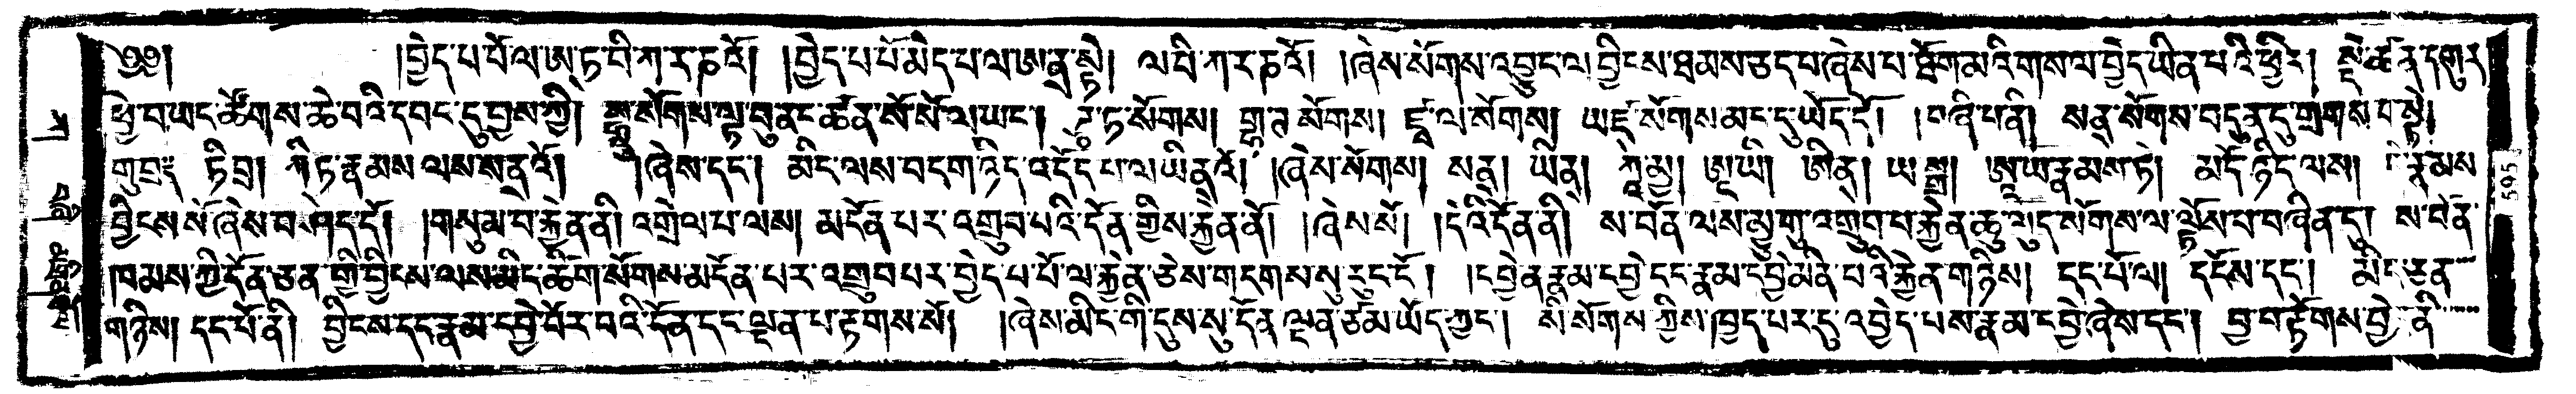༄༅། །བྱེད་པ་པོ་ལ་ཨ་ཏ་བི་ཀ་ར་ཎའོ། །བྱེད་པ་པོ་མེད་པ་ལ་ཨ་ནྲ་སྟེ། ལ་བི་ཀ་ར་ཎའོ། །ཞེས་སོགས་འབྱུང་ལ་བྱིངས་ཐམས་ཅད་པ་ཞེས་པ་ཐོག་མའི་གསལ་བྱེད་ཡིན་པའི་ཕྱིར། སྡེ་ཚན་དགུར་
ཕྱེ་བ་ཡང་ཚོགས་ཆེ་བའི་དབང་དུ་བྱས་ཀྱི། ཤཱུ་སོགས་ལྟ་བུ་ནང་ཚན་སོ་སོ་ལ་ཡང་། ཌུ་ཏ་སོགས། གྷ་ཊ་སོགས། ཛཱ་ལ་སོགས། ཡཛ་སོགས་མང་དུ་ཡོད་དོ། །བཞི་པ་ནི། སནུ་སོགས་བདུན་དུ་གྲགས་པ་སྟེ།
གུབྲ། ཏིབྲ། ཀིཏ་རྣམས་ལས་ནྲ་འོ། །ཞེས་དང་། མིང་ལས་བདག་ཉིད་འདོད་པ་ལ་ཡིནྲའོ། །ཞེས་སོགས། སནྲ། ཡིནྲ། ཀE་མྱ། ཨད་ཡི། ཨིརུ། ཡསྠ། ཨཱ་ཡ་རྣམས་ཏེ། མདོ་ཉིད་ལས། དེ་རྣམས་
བྱིངས་སོ་ཞེས་བཤེད་དོ། །གསུམ་བ་རྐྱེན་ནི། འགྲེལ་པ་ལས། མངོན་པར་འགྲུབ་པའི་དོན་གྱིས་རྐྱེན་ནོ། །ཞེས་སོ། །དེའི་དོན་ནི། ས་བོན་ལས་མྱུ་གུ་འགྲུབ་པ་རྐྱེན་ཆུ་ལུད་སོགས་ལ་ལྟོས་པ་བཞིན་དུ། ས་བོན་
ཁམས་ཀྱི་དོན་ཅན་གྱི་བྱིངས་ལས་མིང་ཆོག་སོགས་མདོན་པར་འགྲུབ་པར་བྱེད་པ་པོ་ལ་རྐྱེན་ཅེས་གདགས་སུ་རུང་ངོ། །དབྱེན་རྣམ་དབྱེ་དང་རྣམ་དབྱེ་མིན་པའི་རྐྱེན་གཉིས། དང་པོ་ལ། དངོས་དང་། མིང་ཅན་
གཉིས། དང་པོ་ནི། བྱིངས་དང་རྣམ་དབྱེ་བོར་བའི་དོན་དང་ལྡན་པ་རྟགས་སོ། །ཞེས་མིང་གི་དུས་སུ་དོན་ལྡན་ཙམ་ཡོད་ཀྱང་། སི་སོགས་ཀྱིས་ཁྱད་པར་དུ་འབྱེད་པས་རྣམ་དབྱེ་ཞེས་དང་། བྱ་རྟོགས་བྱེ་ནི་